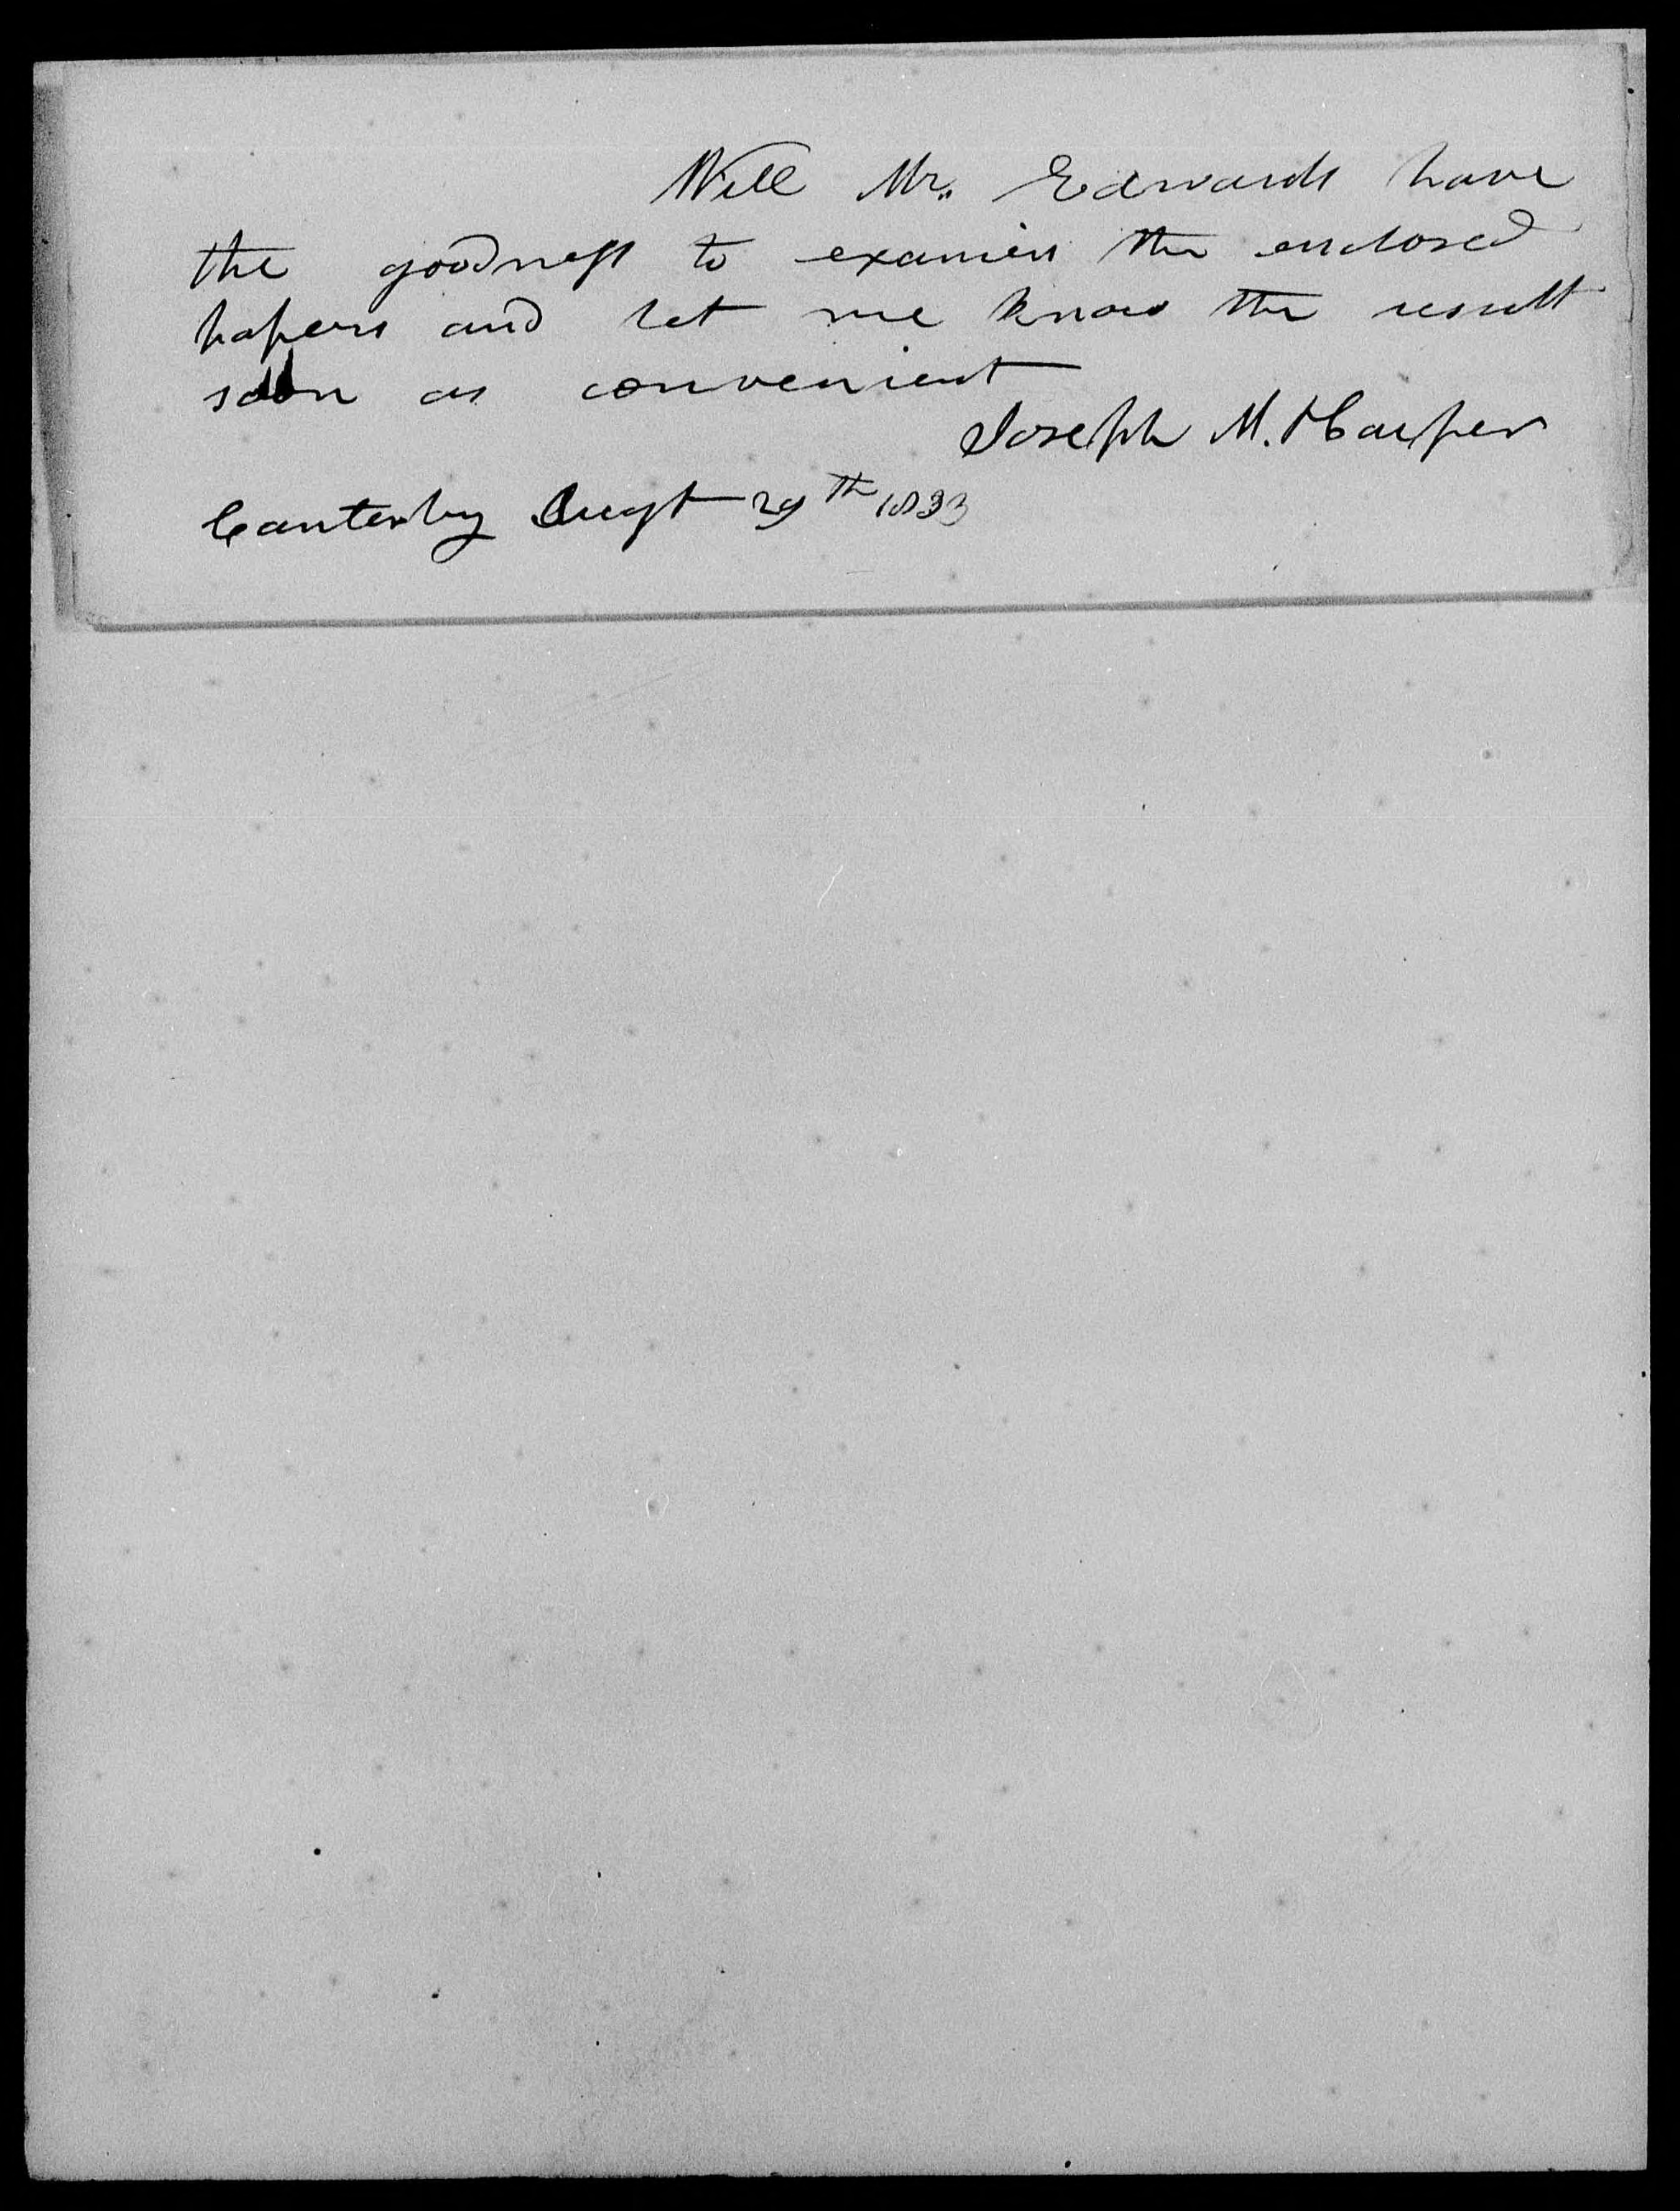Will Mr. Edwards have the goodness to examine the enclosed papers and let me know the result soon as convenient
Joseph M Harper
Canterbury Augt 29th 1833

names: Edwards, Joseph M Harper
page: 21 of 57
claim: widow's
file: W. 23217, Thomas Haines, N H